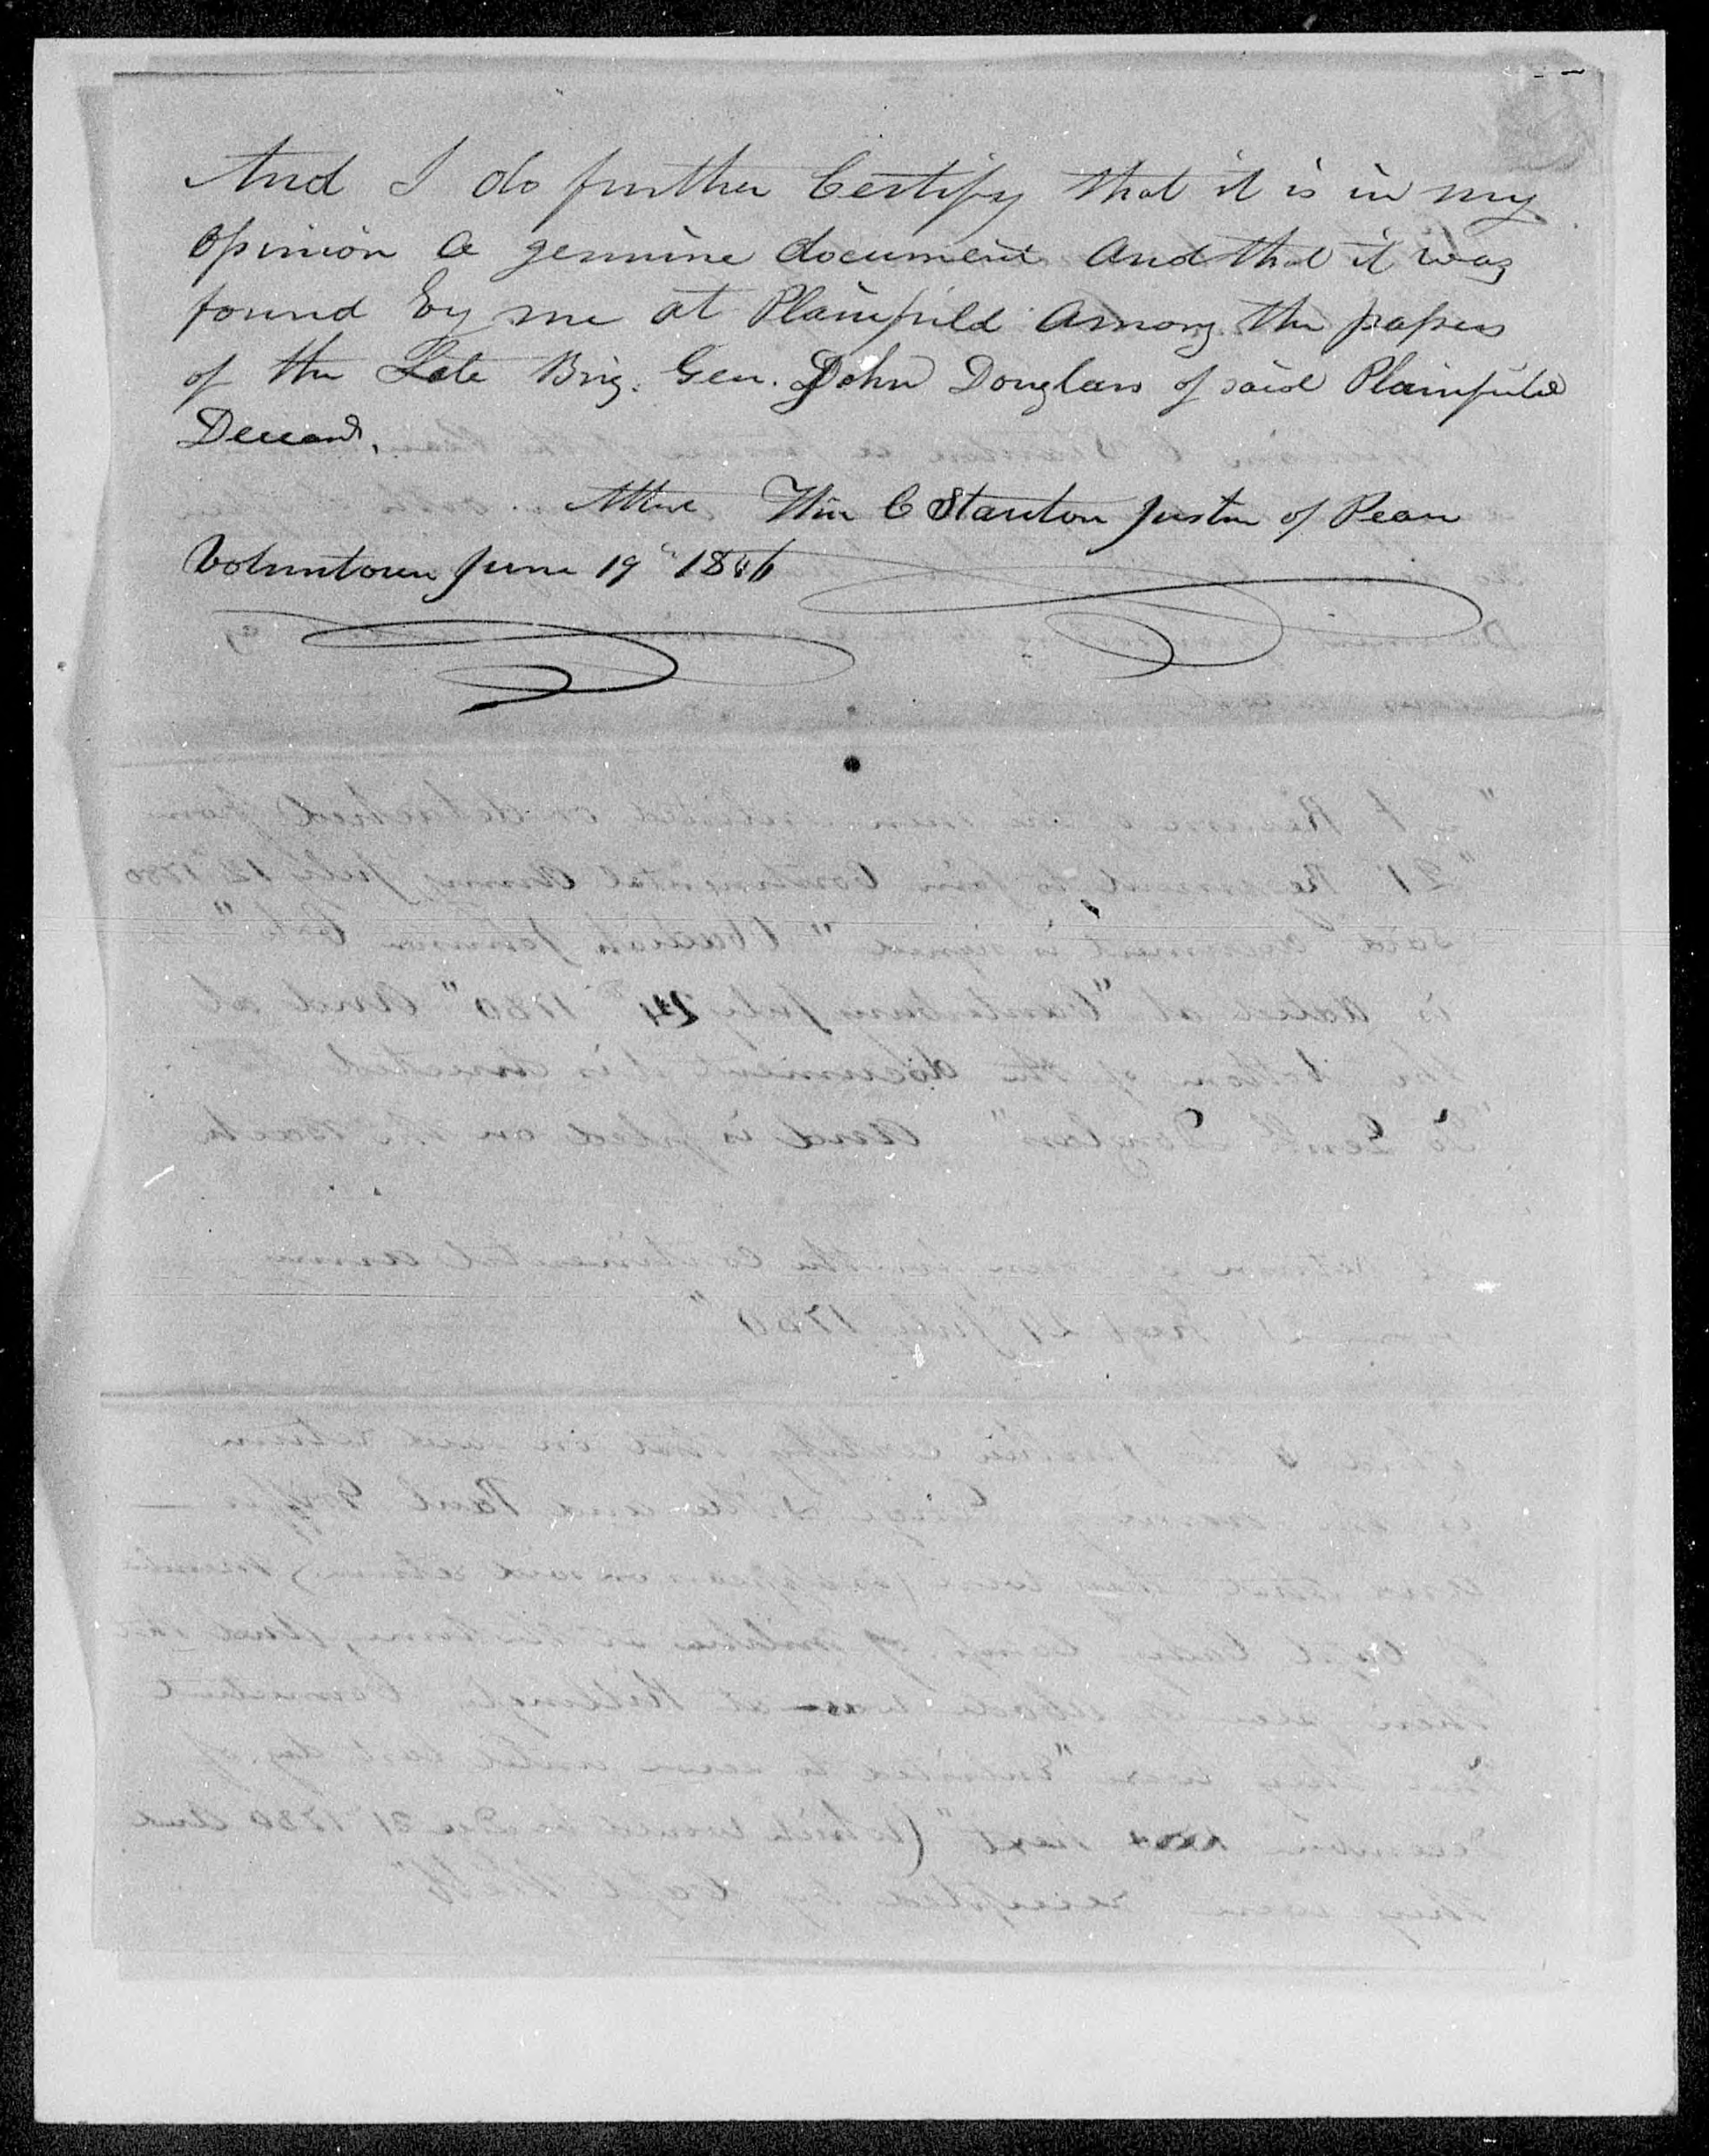And I do further certify that it is in my
opinion a genuine document and that it was
found by me at Plainfield Among the papers
of the Late Brig. Gen. John Douglass of said Plainfield
Deceased.
Attest Wm. C. Stanton Justice of Peace
Voluntown June 19 1846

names: Wm C Stanton, John Douglass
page: 57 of 61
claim: survivor's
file: S. 22798, Paul Griffiths, R.I.